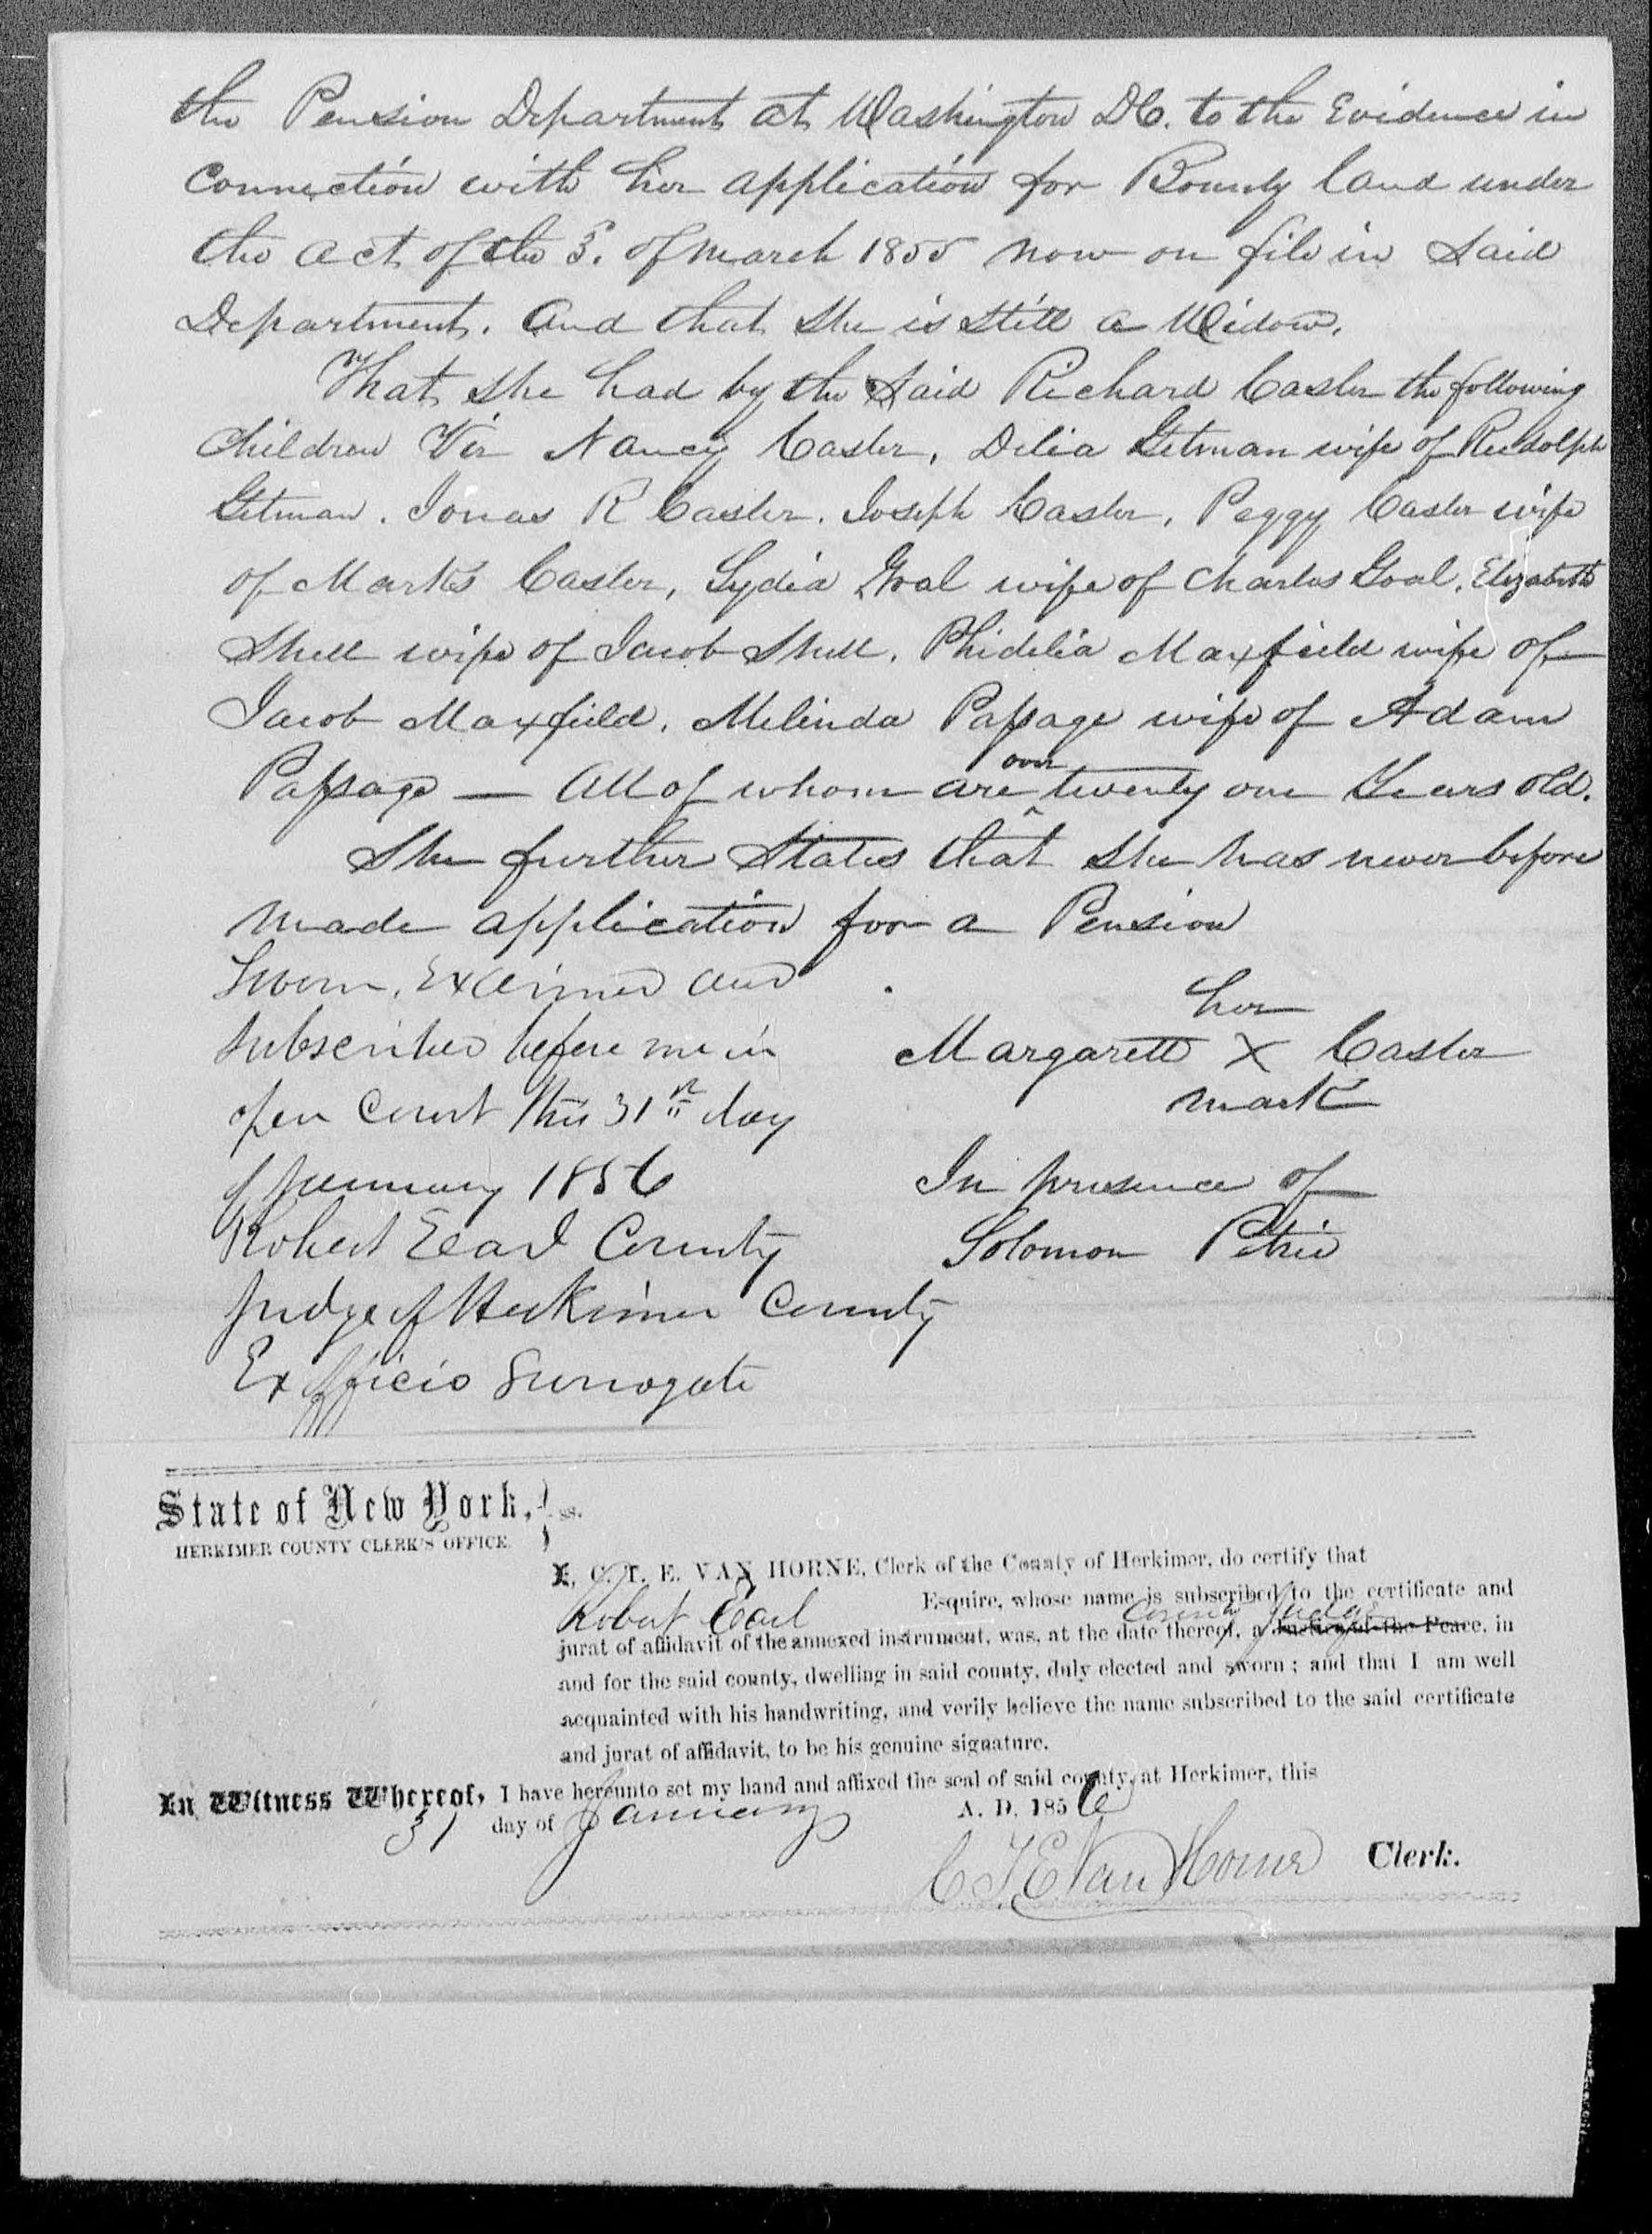the Pension Department at Washington DC. to the evidence in connection with her application for Bounty land under the act of the 3d of March 1855 now on file in said Department. And that she is still a widow. 
That she had by the said Richard Casler the following children Viz Nancy Casler, Delia Getman wife of Rudolph Getman, Jonas R Casler, Joseph Casler, Peggy Casler wife of Marks Casler, Lydia Goal wife of Charles Goal, Elizabeth Shell wife of Jacob Shell, Phidelia Maxfield wife of Jacob Maxfield, Melinda Passage wife of Adam Passage - All of whom are over twenty one years old. 
She further states that she has never before made application for a Pension 
[signed] Margarett Casler X her mark In presence of Solomon Petrie
Sworn, examined and subscribed before me in open Court this 31st day of January 1856 
[signed] Robert Earl County Judge of Herkimer County 
Exofficio Surrogate 

State of New York,
HERKIMER COUNTY CLERK' S OFFICE } ss.
I, C. T. E. Van Horne Clerk of the County of Herkimer, do certify that Robert Earl Esquire, whose name is subscribed to the certificate and jurat of affidavit of the annexed instrument, was, at the date thereof, a County Judge, in and for the said county, dwelling in said county, duly elected and sworn; and that I am well acquainted with his handwriting, and verily believe the name subscribed to the said certificate and jurat of affidavit, to be his genuine signature.
In Witness Whereof, I have hereunto set my hand and affixed the seal of said county, at Herkimer, this 31 day of January A.D. 1856
[signed] C. T. E. Van Horne Clerk.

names: Rudolph Getman, Nancy Casler, Charles Goal, Richard Casler, Marks Casler, Peggy Casler, Melinda Passage, Margarett Casler, Jonas R Casler, Phidelia Maxfield, Solomon Petrie, Adam Passage, Delia Getman, Lydia Goal, C T E Van Horne, Elizabeth Shell, C T E Van Horne, Jacob Shell, Joseph Casler, Robert Earl, Jacob Maxfield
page: 27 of 66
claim: widow's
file: W. 6637, Richard Caslar, New York